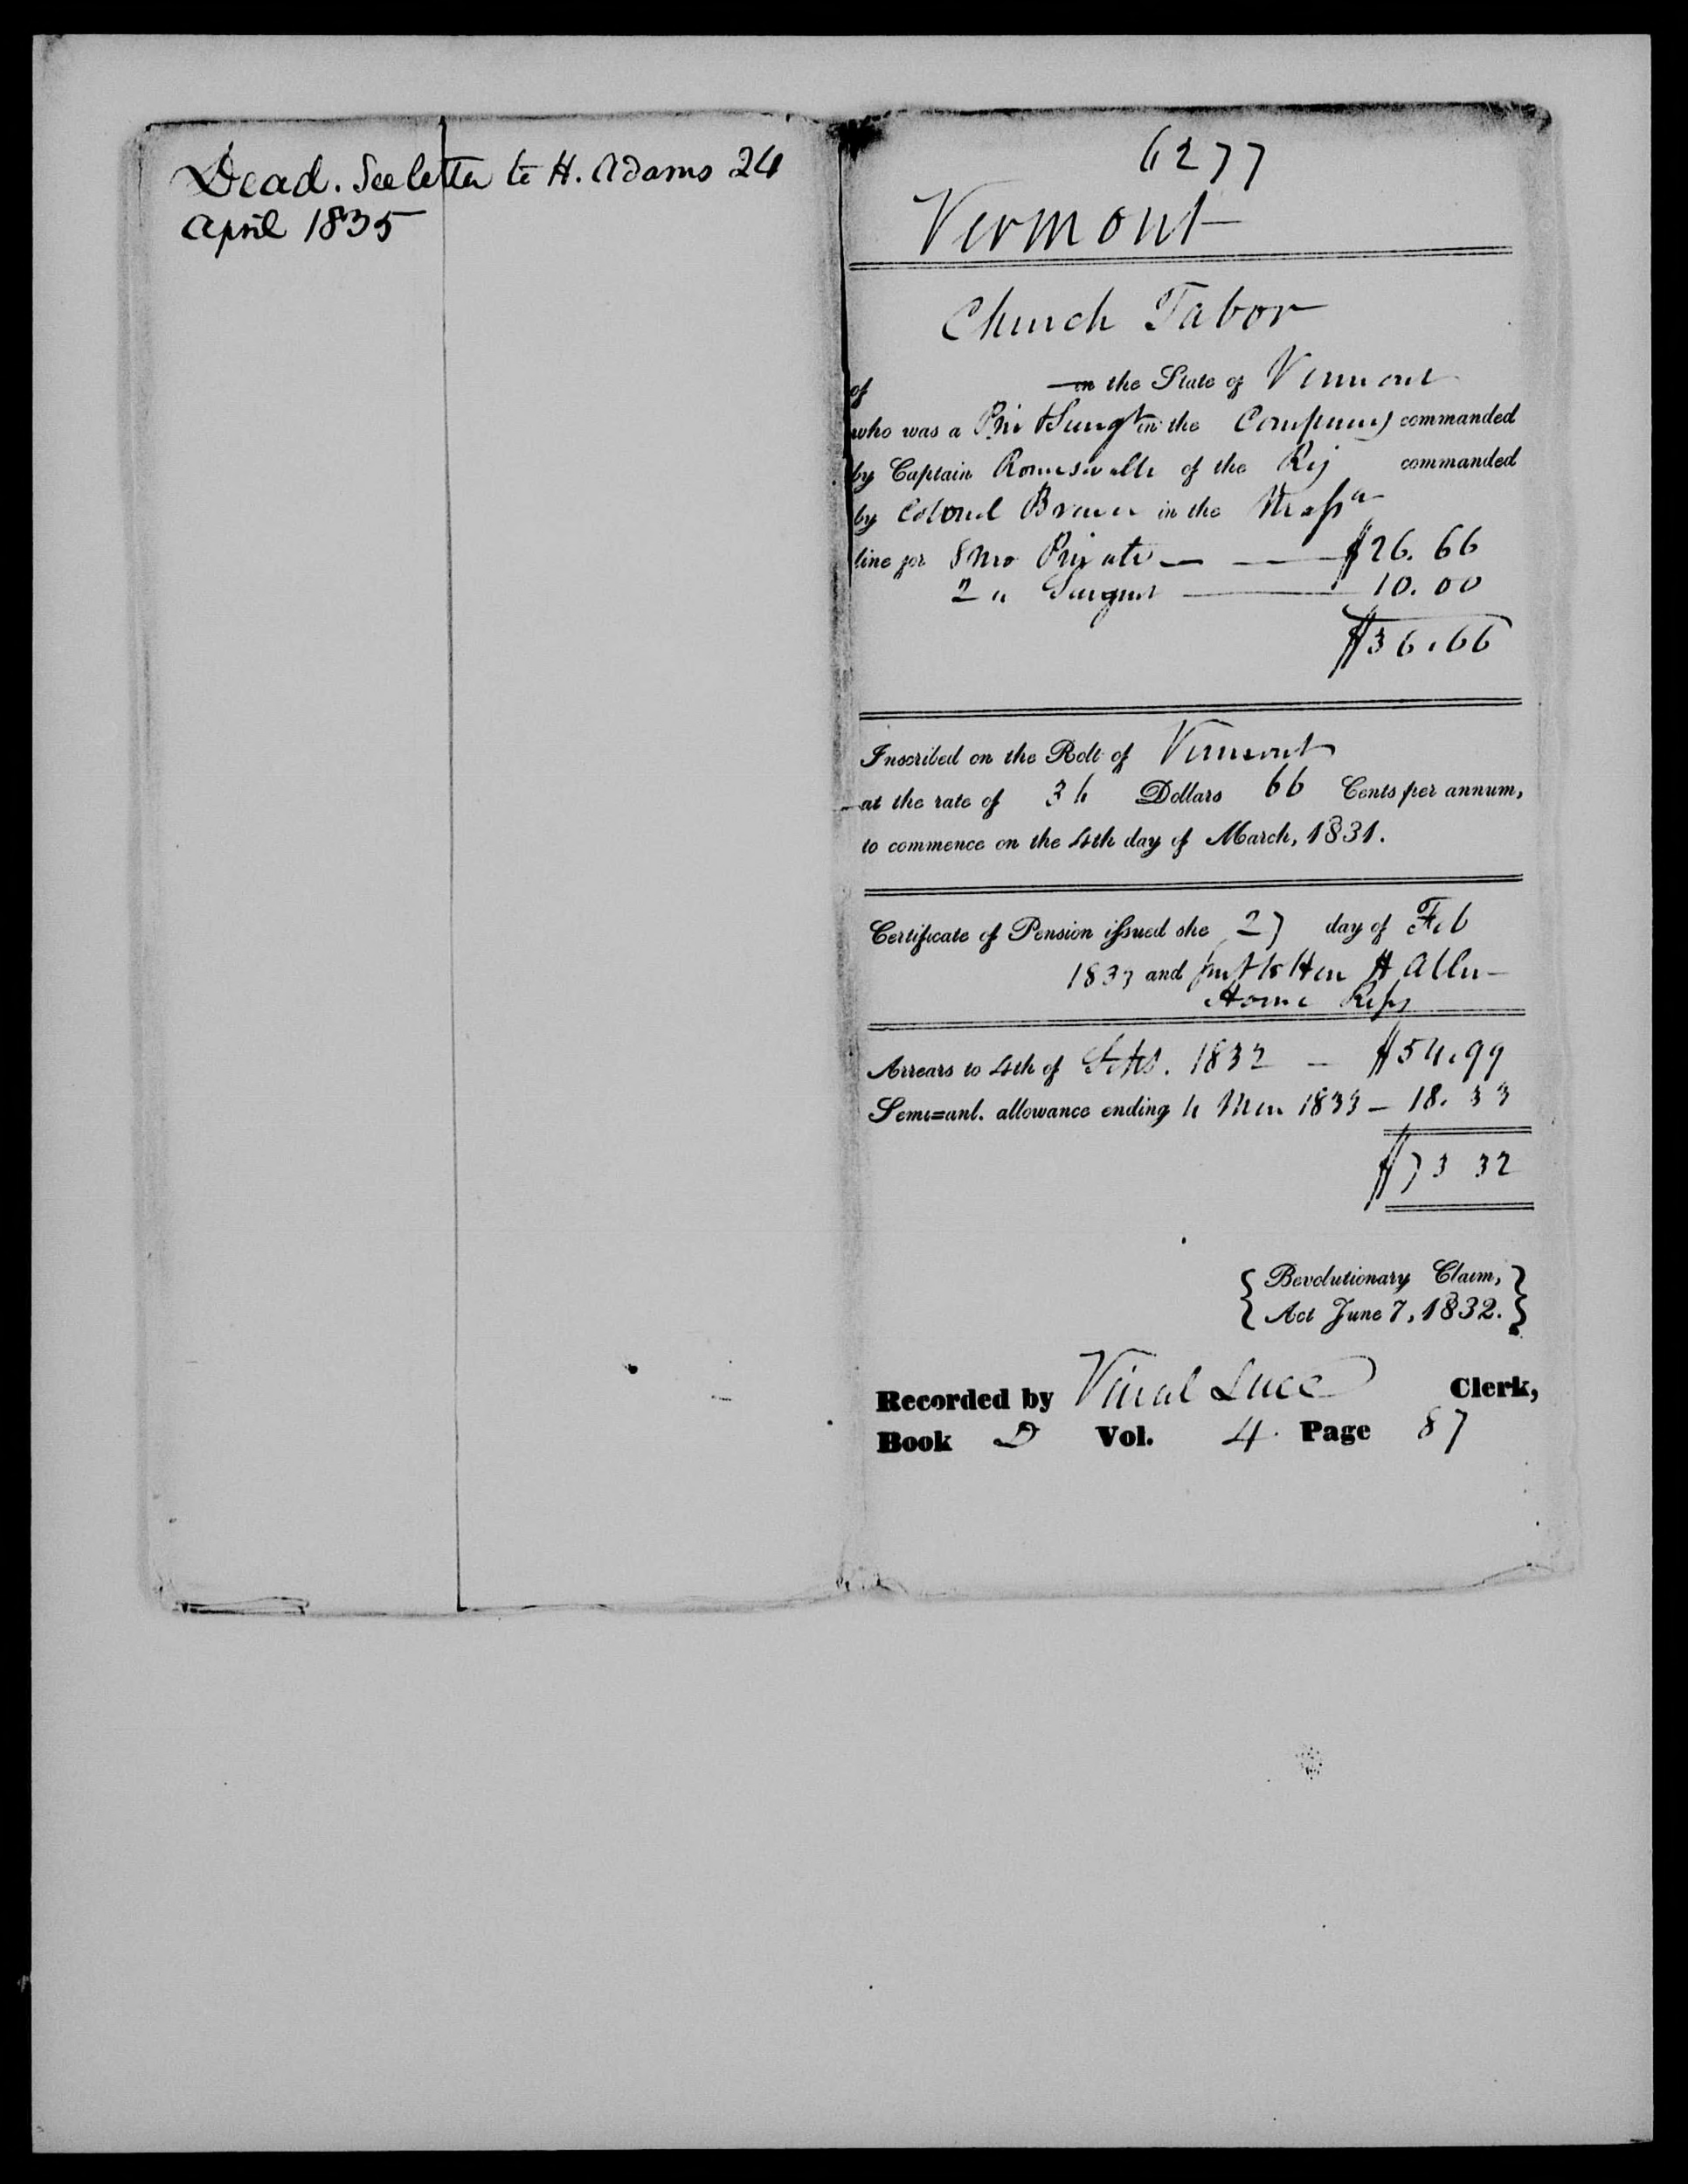Dead. See letter to H. Adams 24 April 1835

6277
Vermont
____________________________________________________
Church Tabor

of the State of Vermont
who was a Pri Sergt in the Company commanded
by Captain [illegible] of the Rj commanded
by Colonel Bowen in the [illegible]
line for 8 mo pay to ------ $26.66
2" Sergeant ---------------$10.00
___________________
$36.66
_________________________________________________
Inscribed on the Roll of Vermont
at the rate of 36 Dollars 66 Cents per annum 
to commence on the sixth day of March, 1831.
__________________________________________________
Certificate of Pension issued the 27 day of Feb
1837 and [illegible]
__________________________________________________
Arrears to 4th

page: 3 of 41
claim: widow's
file: W 26507, for Church Tabor, Massachusetts